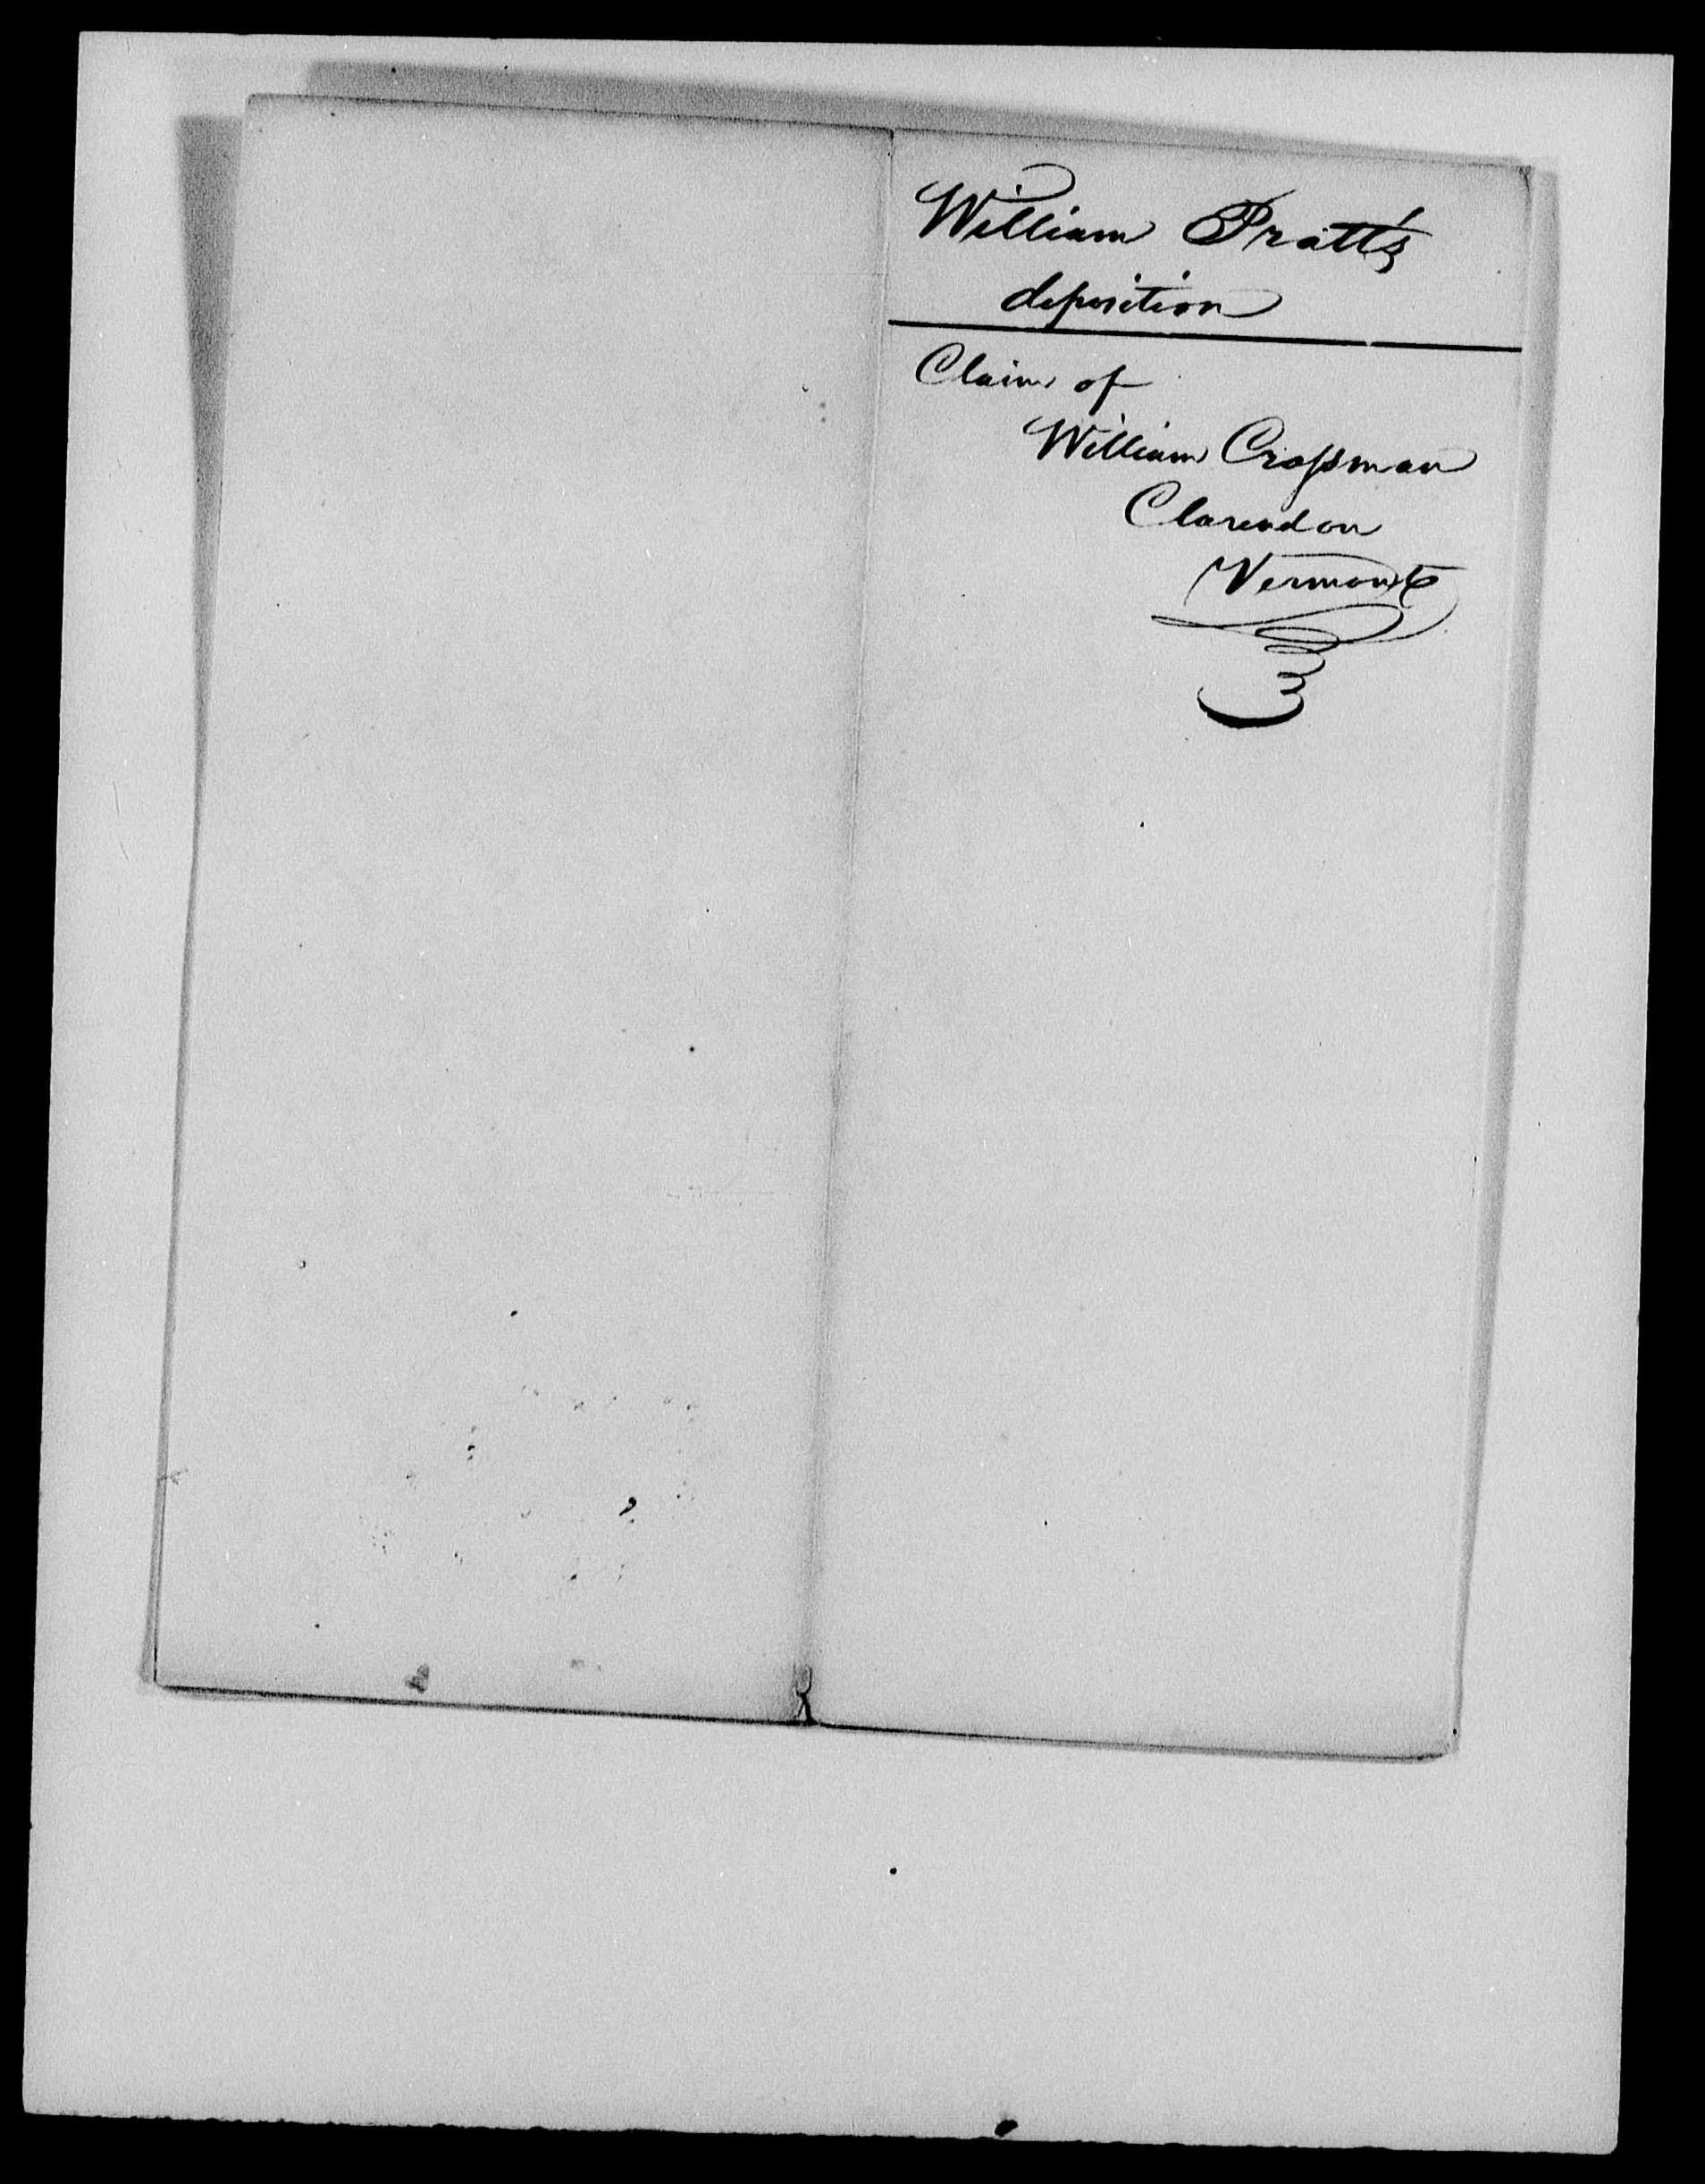William Pratt's deposition
Claim of William Crossman
Clarendon Vermont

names: William Crossman, William Pratt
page: 25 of 33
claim: survivor's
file: S. 12632, William Crossman, Mass. Vt.